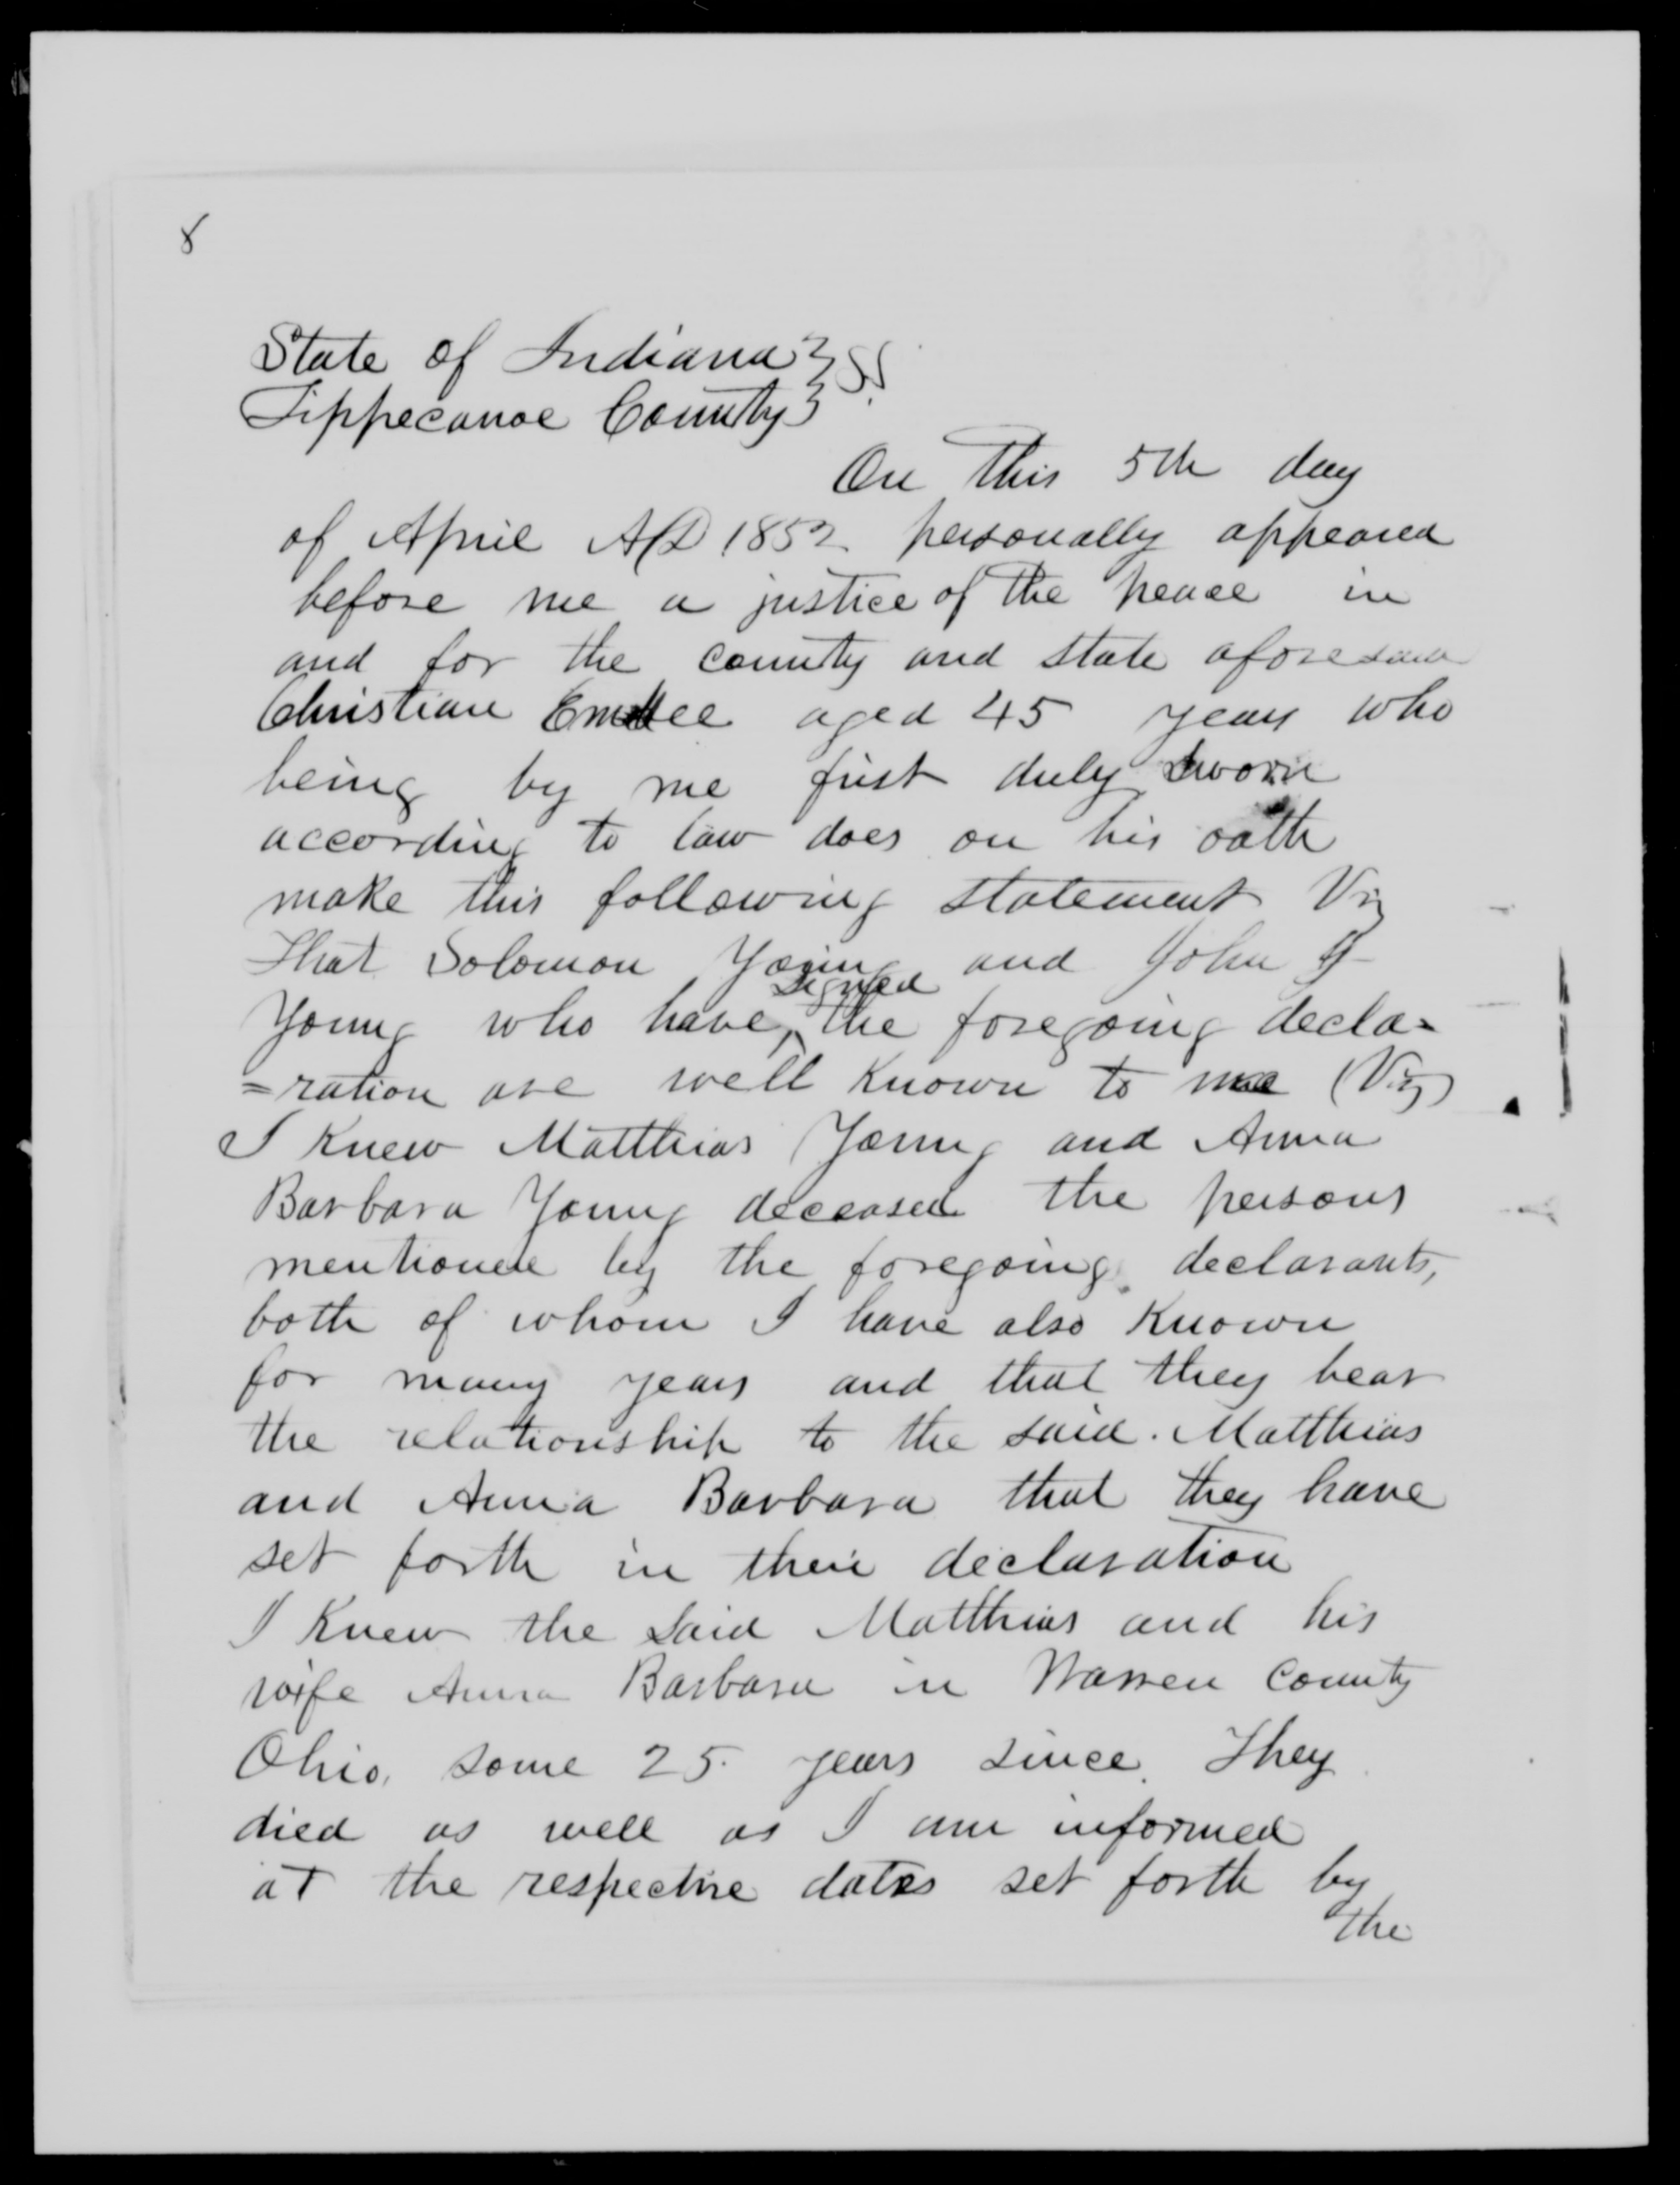8
State of Indiana Tippecanoe County ss
On this 5th day
of April AD 1852 personally appeared
before me a justice of the peace in
and for the County and State aforesaid
Christian Emdee aged 45 years who
being by me first duly sworn
according to law does on his oath
make this following statement
that Solomon Young and John
Young who have signed the foregoing declaration are well known to me (viz) I
Knew Matthias Young and Anna
Barbara Young deceased the persons
mentioned by the foregoing declarants,
both of whom I have also known
for many years and that they bear
the relationship to the said Matthias
and Anna Barbara that they have
set forth in their declaration.
I knew the said Matthias and his
wife Anna Barbara in Warren County
Ohio, some 25 years since. They
died as well as I am informed
at the respective dates set forth by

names: Christian Emdee, Matthias Young, John J Young, Solomon Young, Anna Barbara Young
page: 113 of 123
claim: rejected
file: R. 11,949, Matthias Young, Md.